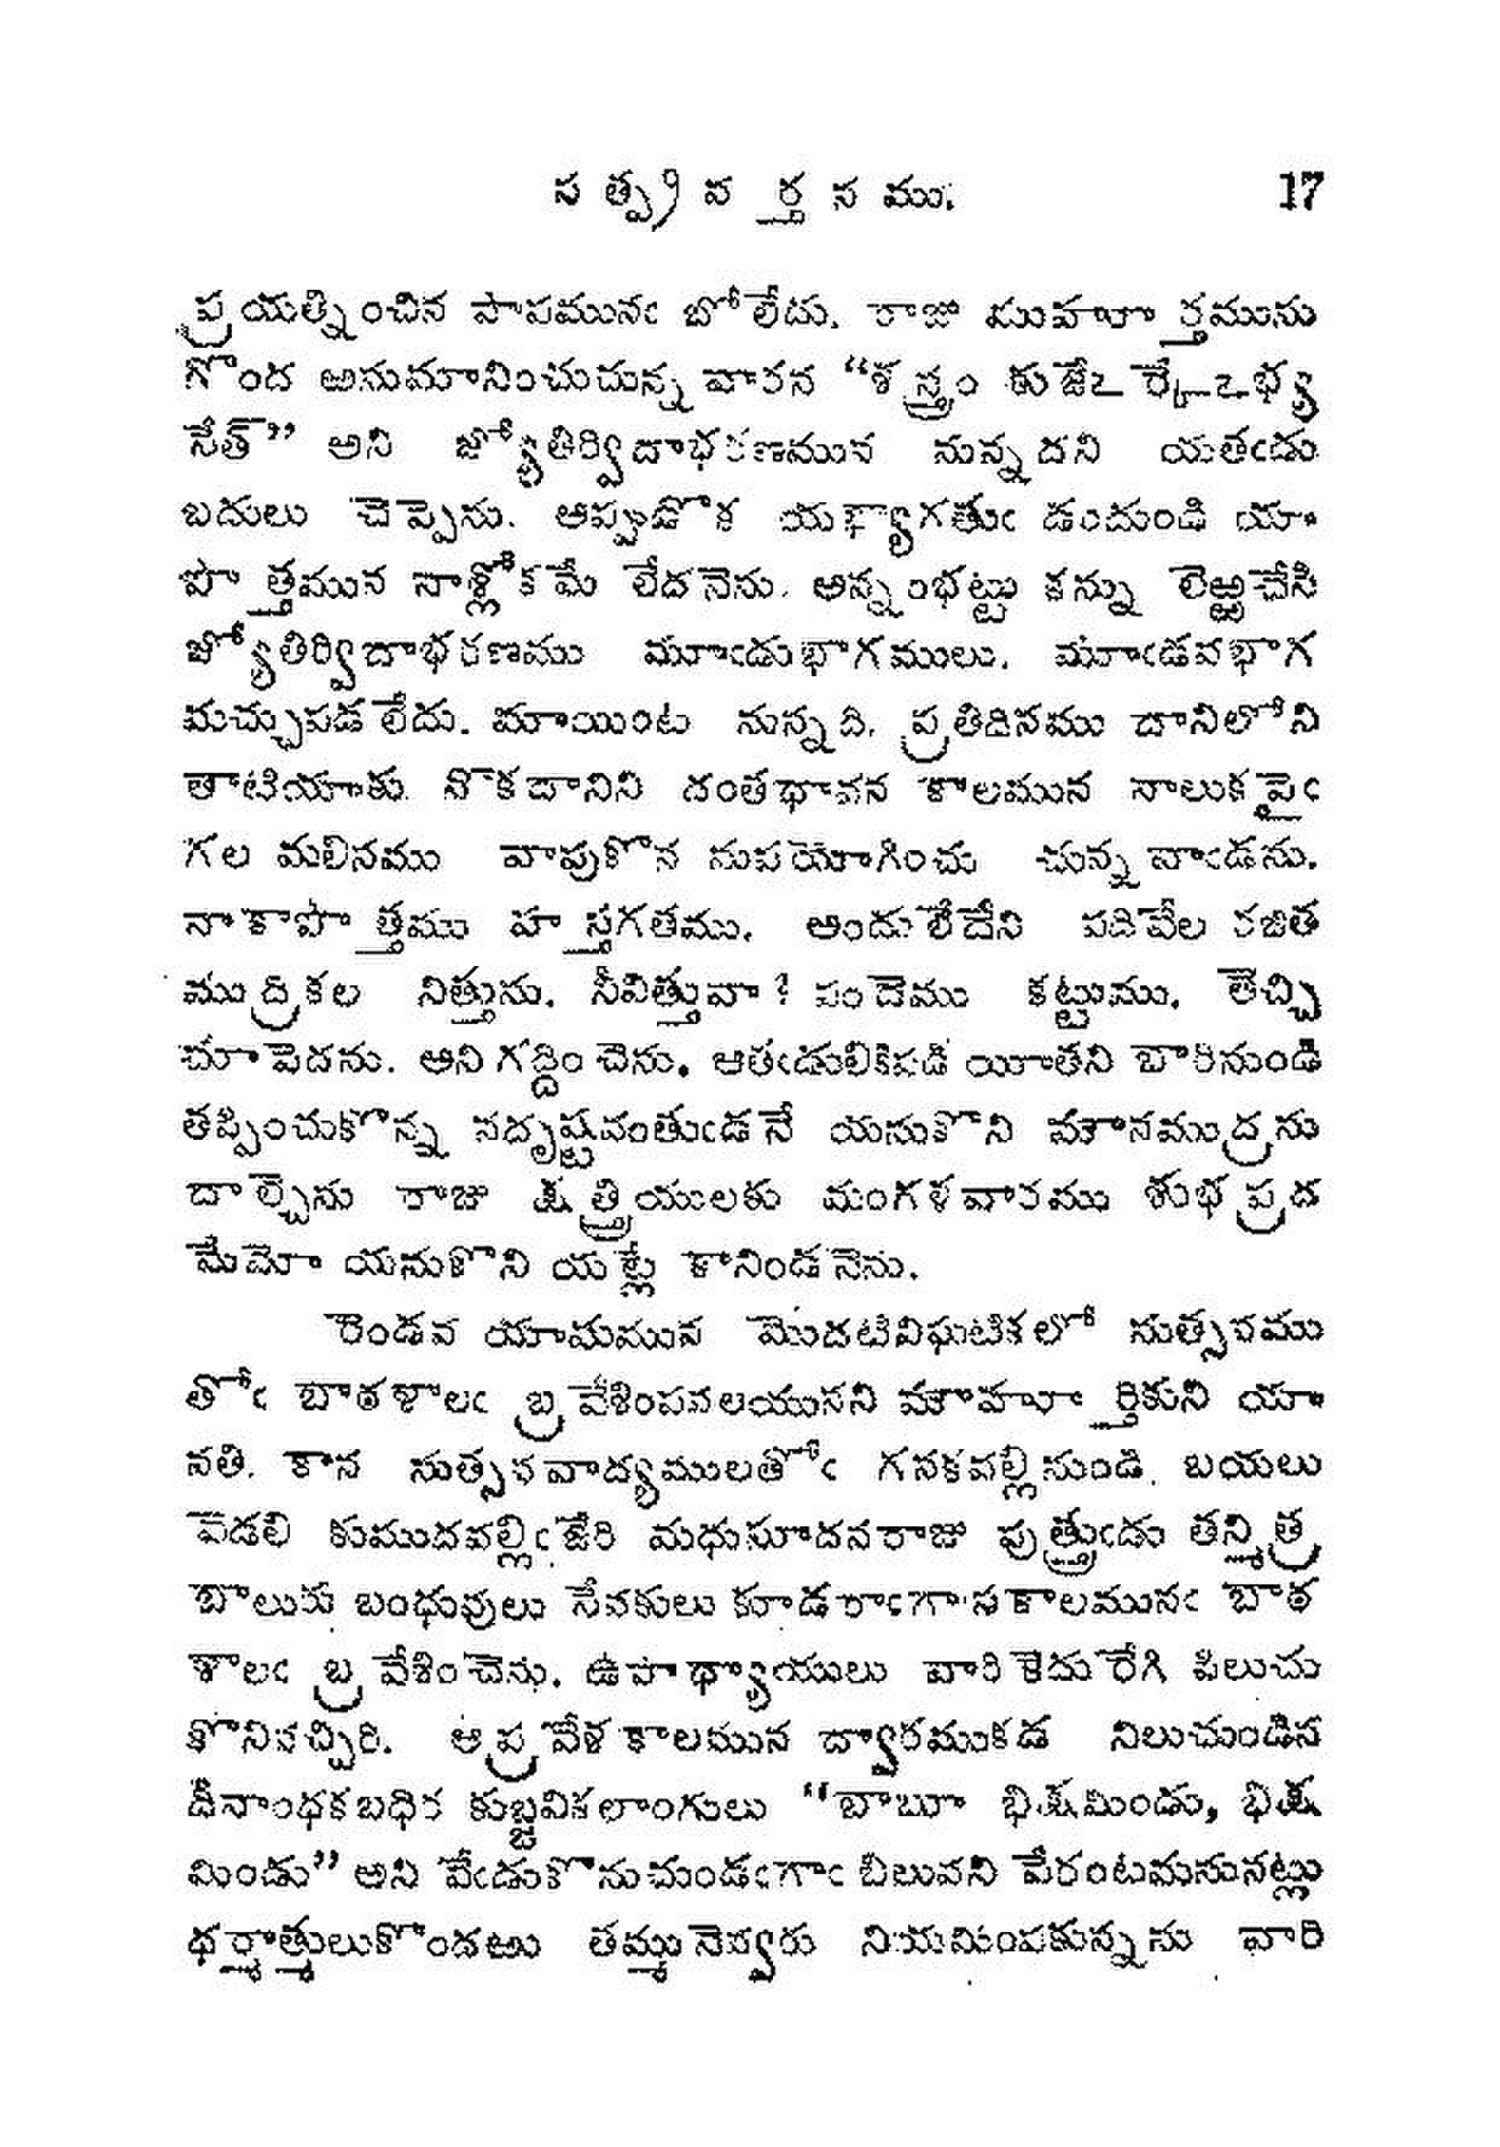ప్రయత్నించిన ఫాఆఫామునఁ బోలేదు. రాజు ముహూర్తమును గొంద అనుమానించుచున్న వారన “శస్త్రం కుజే రేభ్య సేత్ ” అని జ్యోతిర్విదాభకణమున నున్నదని యతఁడు బదులు 'చెప్పెను. అప్పుడోక యభ్యాగతుఁడందుండి యా పొత్తమున నాశ్లోకమే లేద నెను. అన్నంభట్టు కన్ను 'లెజ్జ చేసి జ్యోతీర్విదాభరణము మూడు భాగములు. మూడవ భాగ మచ్చుపడ లేదు. మాయింట నున్నది. ప్రతిదినము దానిలోని తాటీయాకు. నొకదానిని దంతధావన జాలమున నాలుక పై గల మలినము వాపుకొన నుపయోగించుచున్న నాఁడను. నా పొత్తము హస్తగతము, అందు లేదేని పది వేల రజిత 'ముద్రికల నిత్తును. నీవిత్తువా ? పందెము కట్టుము. తెచ్చి చూపెదను. అని గద్దించెను. ఆతఁడులికిపడి యీతని బారి నుండి తప్పించుకొన్న సదృష్ట వంతుఁడనే యనుకొని మౌనముద్రను దాల్చెను. రాజు క్షత్రియులకు మంగళవారము శుభప్రద మేమో యనుకొని యట్లే కానిండనెను.

రెండవ యామమున మొదటి విఘటికలో సుత్సవముతో బాఠకాలం బ్ర వేశింప వలయునని మౌహూర్తికుని యానతి. కాన సుత్సవవాద్యములతో గనకవల్లి నుండి, బయలు వెడలి కుముదవల్లిఁ జేరి మధుసూదన రాజు పుత్రుఁడు తన్మిత్ర బాలురు బంధువులు సేవకులు కూడ రాగా సకాలమునం బాఠశాలఁ బ్రవేశించెను, ఉపాధ్యాయులు వారెదు రేగి పిలుచు కొనివచ్చిరి. ఆప్రవేశ కాలమున ద్వారముకడ నిలుచుండిన దీనాంధకబధిక కుబ్జవికలాంగులు “బాబూ భిక్షమిండు, భిక్షు
మిండు” అని వేడుకొనుచుండఁగాఁ బిలువని పేరంటమనునట్లు ధర్మాత్ములు కొందఱు తము నెవ్వరు నియమింపకున్నను వారి